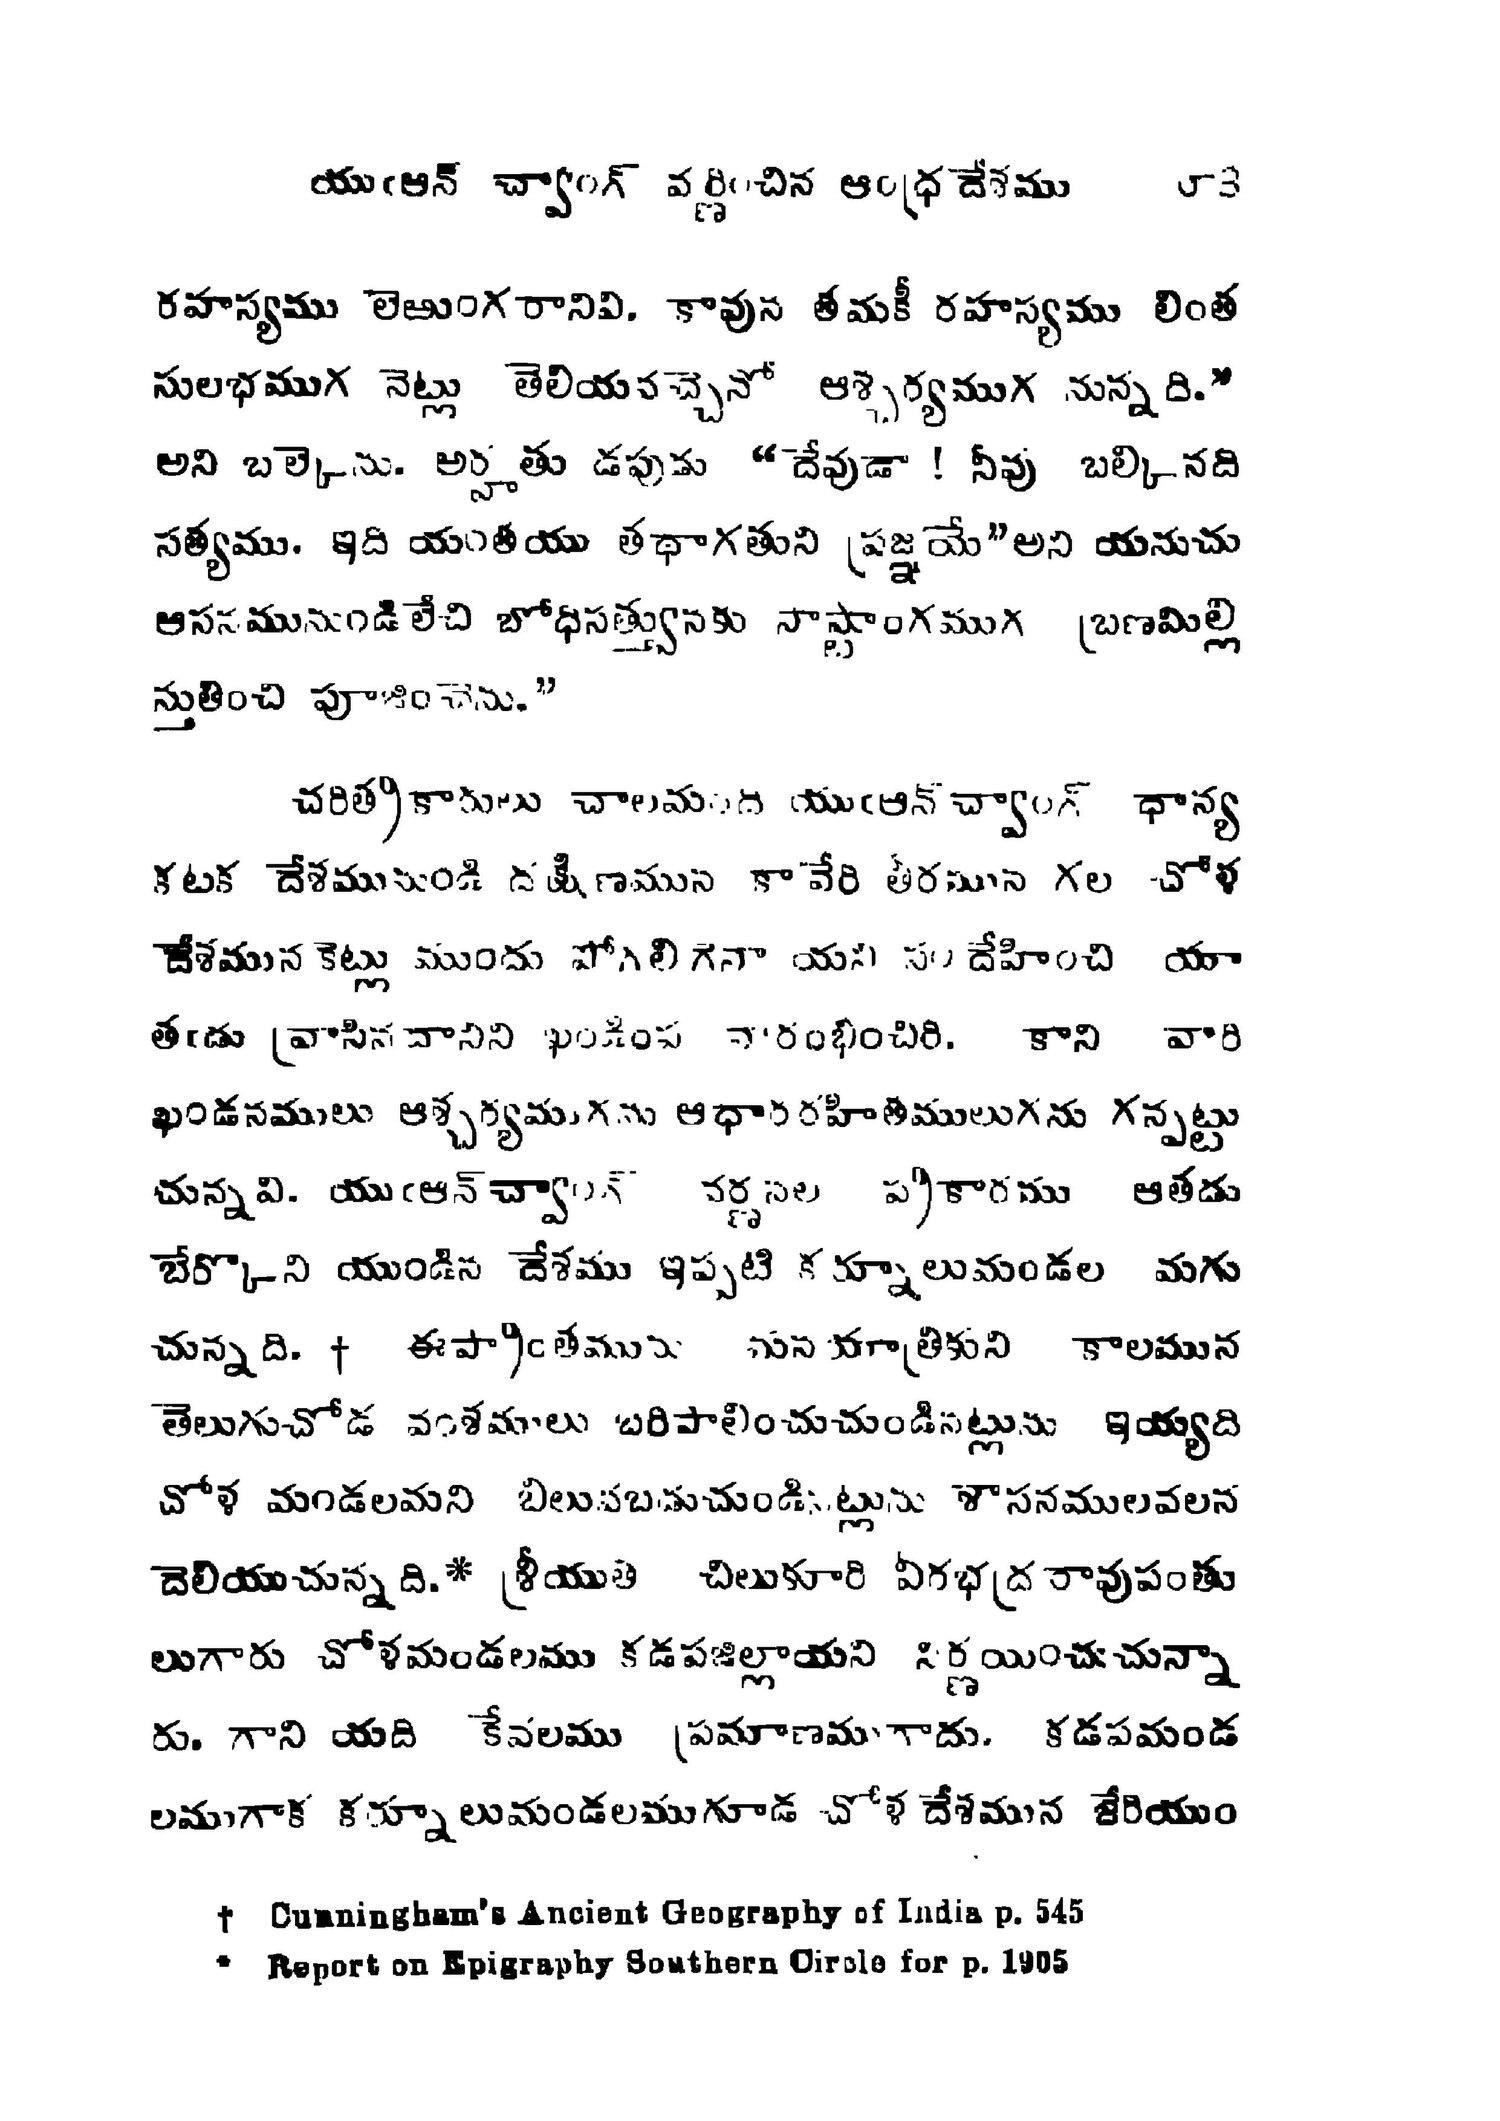రహస్యము లెఱుంగరానివి. కావున తమకీ రహస్యము లింత సులభముగ నెట్లు తెలియవచ్చెనో ఆశ్చర్యముగ నున్నది." అని బల్కెను. అర్హతు డపుడు "దేవుడా! నీవు బల్కినది సత్యము. ఇది యంతయు తథాగతుని ప్రజ్ఞయే" అని యనుచు ఆసనము నుండిలేచి బోధిసత్త్వునకు సాష్టాంగముగ బ్రణమిల్లి స్తుతించి పూజించెను."

చరిత్రకారులు చాలమంది యుఆన్ చ్వాంగ్ ధాన్యకటక దేశమునుండి దక్షిణమున కావేరి తీరమున గల చోళదేశమునకెట్లు ముందు పోగలిగెనా యని సందేహించి యాతడు వ్రాసినదానిని ఖండింప నారంభించిరి. కాని వారి ఖండనములు ఆశ్చర్యముగను ఆధార రహితములుగను గన్పట్టుచున్నవి. యుఆన్‌చ్వాంగ్ వర్ణనల ప్రకారము ఆతడు బేర్కొని యుండిన దేశము ఇప్పటి కర్నూలు మండల మగుచున్నది. ఈప్రాంతమును మనయాత్రికుని కాలమున తెలుగుచోడ వంశములు బరిపాలించు చుండినట్లును ఇయ్యది చోళమండలమని బిలువబడు చుండినట్లును శాసనములవలన దెలియుచున్నది. శ్రీయుత చిలుకూరు వీరభద్రరావు పంతులుగారు చోళమండలము కడపజిల్లాయని నిర్ణయించుచున్నారు. గాని యది కేవలము ప్రమాణముగాదు. కడపమండలముగాక కర్నూలుమండలముగూడ చోళదేశమున జేరియుం